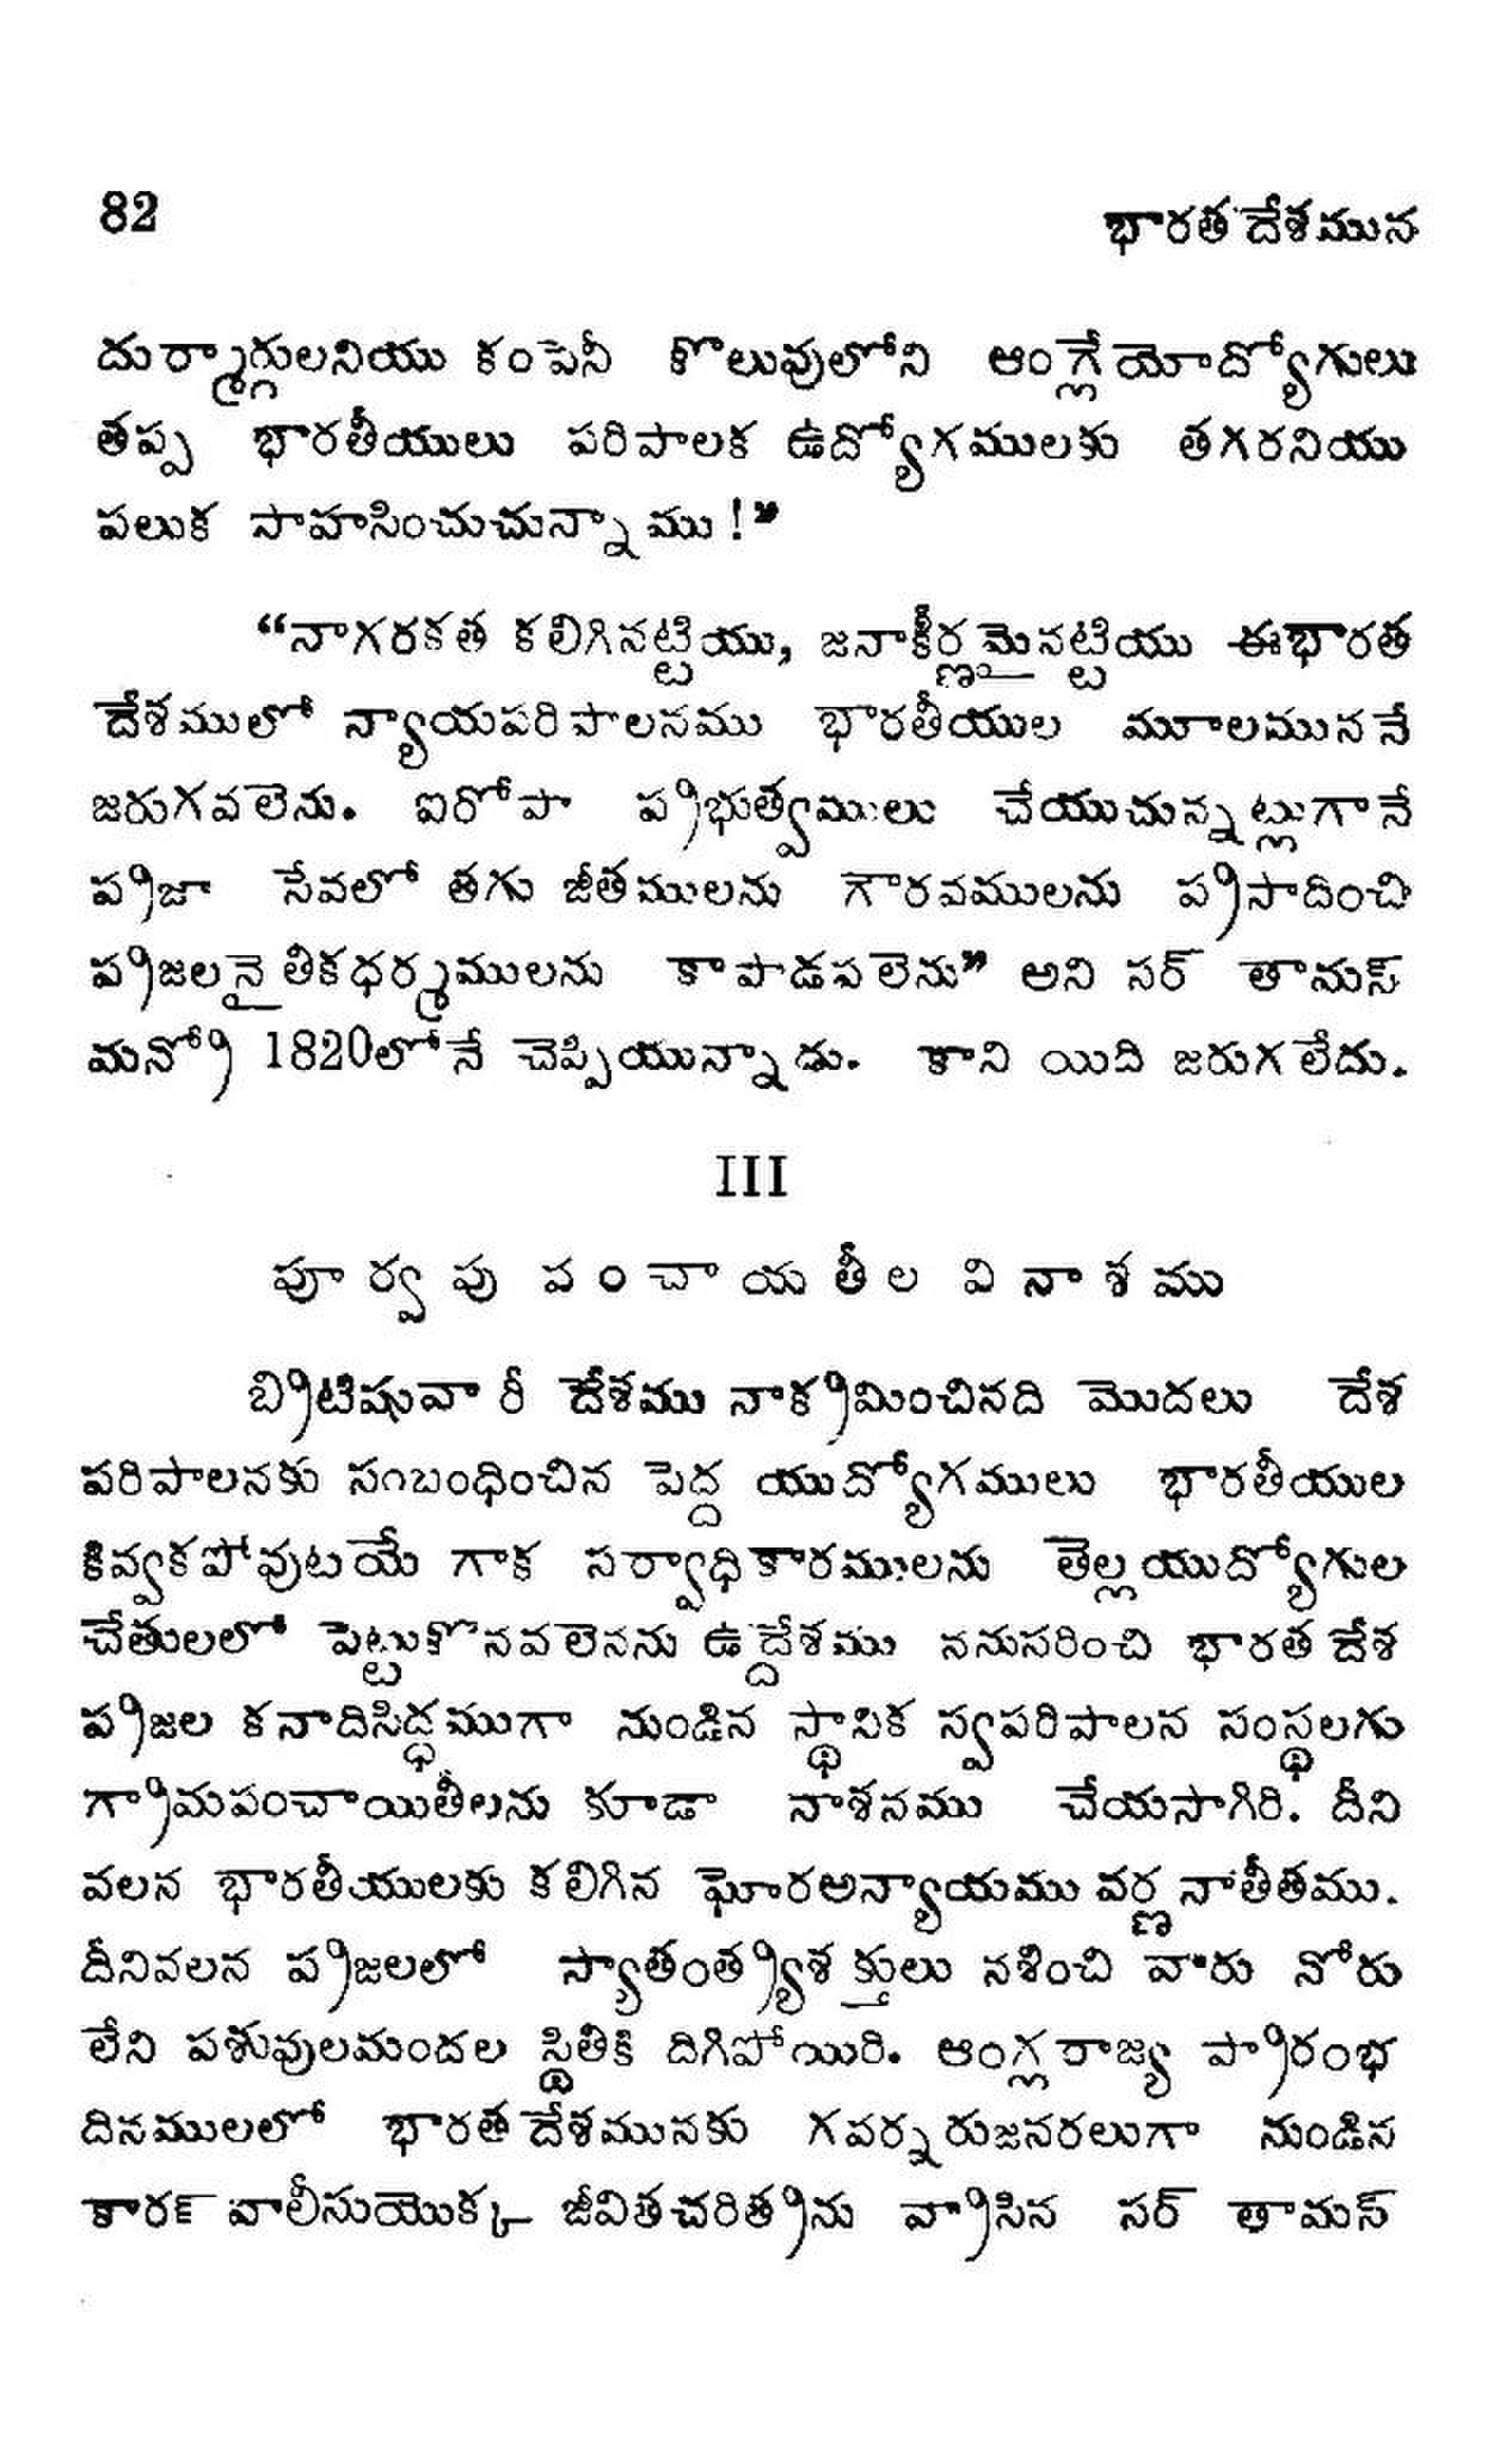దుర్మార్గులనియు కంపెనీ కొలువులోని ఆంగ్లేయోద్యోగులు తప్ప భారతీయులు పరిపాలక ఉద్యోగములకు తగరనియు పలుక సాహసించుచున్నాము!"

“నాగరకత కలిగినట్టియు, జనాకీర్ణమైనట్టియు ఈభారతదేశములో న్యాయపరిపాలనము భారతీయుల మూలముననే జరుగవలెను. ఐరోపా ప్రభుత్వములు చేయుచున్నట్లుగానే ప్రజా సేవలో తగు జీతములను గౌరవములను ప్రసాదించి ప్రజలనైతికధర్మములను కాపాడపలెను” అని సర్ తామస్ మన్రో 1820లోనే చెప్పియున్నాడు. కాని యిది జరుగలేదు.

|||
పూర్వపు పంచాయతీల వినాశము

బ్రిటిషువారీ దేశము నాక్రమించినది మొదలు దేశపరిపాలనకు సంబంధించిన పెద్ద యుద్యోగములు భారతీయుల కివ్వకపోవుటయే గాక సర్వాధికారములను తెల్లయుద్యోగుల చేతులలో పెట్టుకొనవలెనను ఉద్దేశము ననుసరించి భారత దేశప్రజల కనాదిసిద్ధముగా నుండిన స్థానిక స్వపరిపాలన సంస్థలగు గ్రామపంచాయితీలను కూడా నాశనము చేయసాగిరి. దీనివలన భారతీయులకు కలిగిన ఘోరఅన్యాయము వర్ణనాతీతము. దీనివలన ప్రజలలో స్వాతంత్ర్యశక్తులు నశించి వారు నోరులేని పశువులమందల స్థితికి దిగిపోయిరి. ఆంగ్లరాజ్య ప్రారంభ దినములలో భారతదేశమునకు గవర్నరుజనరలుగా నుండిన కార౯ వాలీసుయొక్క జీవితచరిత్రను వ్రాసిన సర్ తామస్